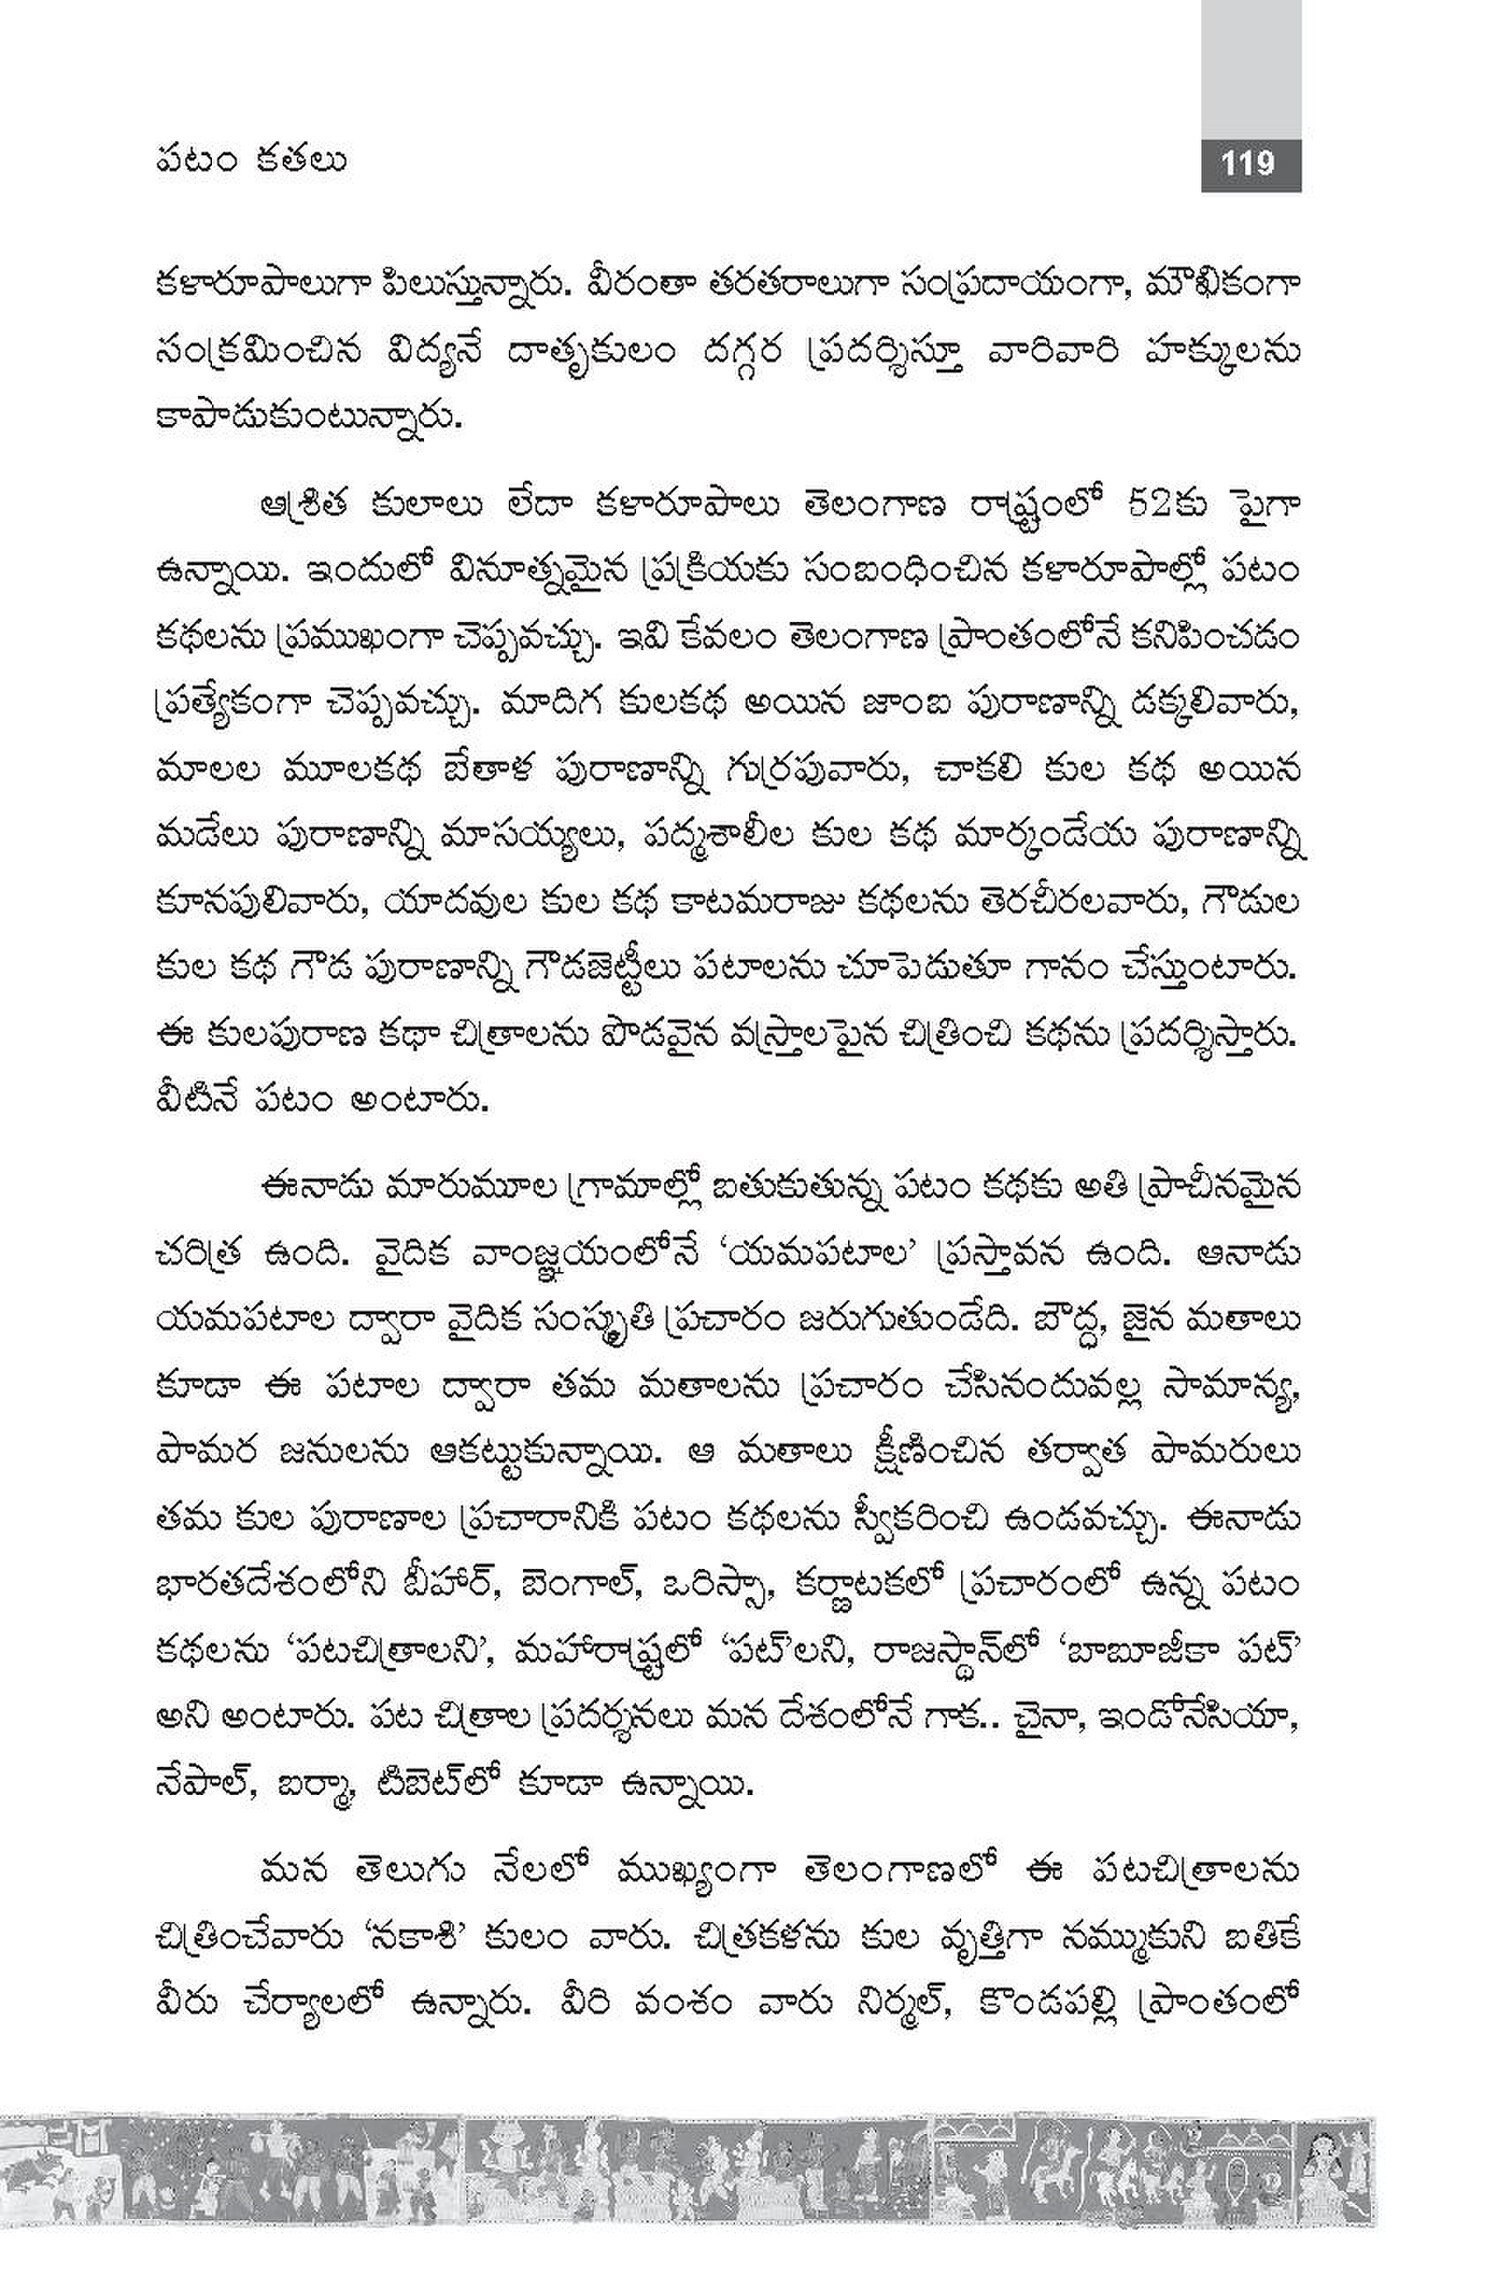కళారూపాలుగా పిలుస్తున్నారు. వీరంతా తరతరాలుగా సంప్రదాయంగా, మౌఖికంగా సంక్రమించిన విద్యనే దాతృకులం దగ్గర ప్రదర్శిస్తూ వారివారి హక్కులను కాపాడుకుంటున్నారు.

ఆశ్రిత కులాలు లేదా కళారూపాలు తెలంగాణ రాష్ట్రంలో 52కు పైగా ఉన్నాయి. ఇందులో వినూత్నమైన ప్రక్రియకు సంబంధించిన కళారూపాల్లో పటం కథలను ప్రముఖంగా చెప్పవచ్చు. ఇవి కేవలం తెలంగాణ ప్రాంతంలోనే కనిపించడం
ప్రత్యేకంగా చెప్పవచ్చు. మాదిగ కులకథ అయిన జాంబ పురాణాన్ని డక్కలివారు, మాలల మూలకథ బేతాళ పురాణాన్ని గుర్రపువారు, చాకలి కుల కథ అయిన మడేలు పురాణాన్ని మాసయ్యలు, పద్మశాలీల కుల కథ మార్కండేయ పురాణాన్ని
కూనపులివారు, యాదవుల కుల కథ కాటమరాజు కథలను తెరచీరలవారు, గౌదుల కుల కథ గౌడ పురాణాన్ని గౌడజెట్టీలు పటాలను చూపెడుతూ గానం చేస్తుంటారు. ఈ కులపురాణ కథా చిత్రాలను పొడవైన వస్త్రాలపైన చిత్రించి కథను ప్రదర్శిస్తారు. వీటినే పటం అంటారు.

ఈనాడు మారుమూల గ్రామాల్లో బతుకుతున్న పటం కథకు అతి ప్రాచీనమైన చరిత్ర ఉంది. వైదిక వాంజ్ఞయంలోనే యమపటాల' ప్రస్తావన ఉంది. ఆనాడు యమపటాల ద్వారా వైదిక సంస్కృతి ప్రచారం జరుగుతుండేది. బౌద్ధ, జైన మతాలు కూడా ఈ పటాల ద్వారా తమ మతాలను ప్రచారం చేసినందువల్ల సామాన్య, పామర జనులను ఆకట్టుకున్నాయి. ఆ మతాలు క్షీణించిన తర్వాత పామరులు తమ కుల పురాణాల ప్రచారానికి పటం కథలను స్వీకరించి ఉండవచ్చు. ఈనాడు భారతదేశంలోని బీహార్, బెంగాల్, ఒరిస్సా, కర్ణాటకలో ప్రచారంలో ఉన్న పటం కథలను 'పటచిత్రాలని', మహారాష్ట్రలో 'పటా'లని, రాజస్థాన్ లో 'బాబూజీకా పట్ అని అంటారు. పట చిత్రాల ప్రదర్శనలు మన దేశంలోనే గాక.. చైనా, ఇండోనేసియా, నేపాల్, టిబెట్లో కూడా ఉన్నాయి.

మన తెలుగు నేలలో ముఖ్యంగా తెలంగాణలో ఈ పటచిత్రాలను చిత్రించేవారు 'నకాశి' కులం వారు. చిత్రకళను కుల వృత్తిగా నమ్ముకుని బతికే వీరు చేర్యాలలో ఉన్నారు. వీరి వంశం వారు నిర్మల్, కొండపల్లి ప్రాంతంలో